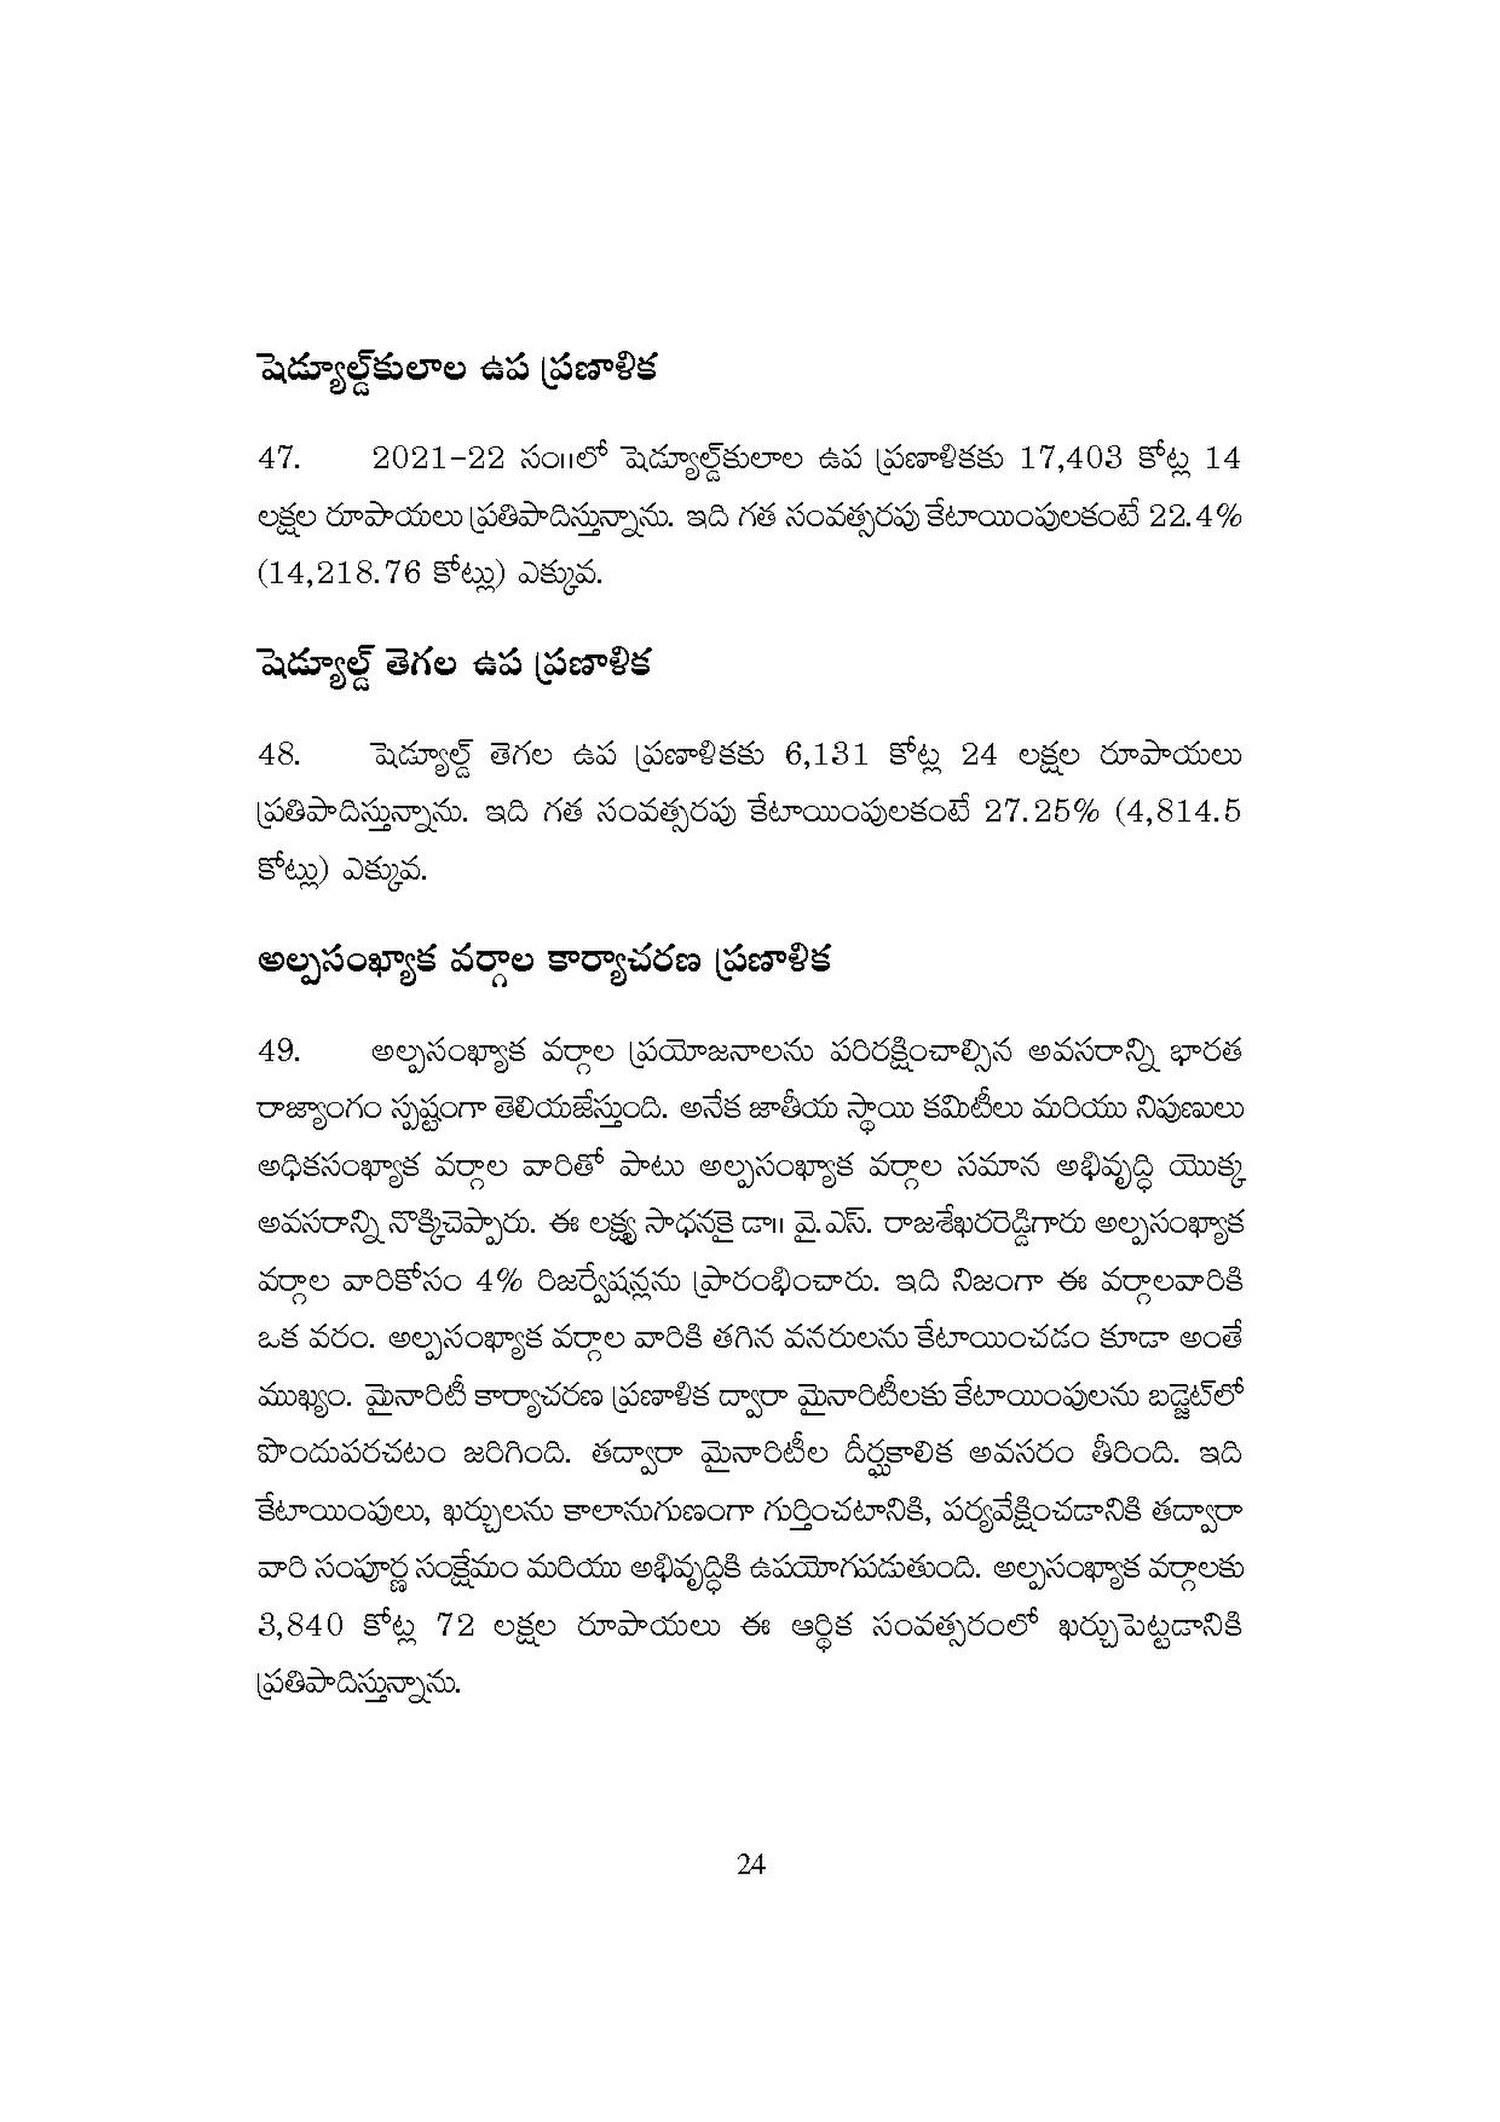షెడ్యూల్డ్ కులాల ఉప ప్రణాళిక

47. 2021-22 సం॥లో షెడ్యూల్డ్ కులాల ఉప ప్రణాళికకు 17,403 కోట్ల 14
లక్షల రూపాయలు ప్రతిపాదిస్తున్నాను. ఇది గత సంవత్సరపు కేటాయింపులకంటే 22.4%
(14,218.76 కోట్లు) ఎక్కువ.

షెడ్యూల్డ్ తెగల ఉప ప్రణాళిక

48. షెడ్యూల్డ్ తెగల ఉప ప్రణాళికకు 6,131 కోట్ల 24 లక్షల రూపాయలు
ప్రతిపాదిస్తున్నాను. ఇది గత సంవత్సరపు కేటాయింపులకంటే 27.25% (4,814.5
కోట్లు) ఎక్కువ.

అల్పసంఖ్యాక వర్గాల కార్యాచరణ ప్రణాళిక

49. అల్పసంఖ్యాక వర్గాల ప్రయోజనాలను పరిరక్షించాల్సిన అవసరాన్ని భారత
రాజ్యాంగం స్పష్టంగా తెలియజేస్తుంది. అనేక జాతీయ స్థాయి కమిటీలు మరియు నిపుణులు
అధిక సంఖ్యాక వర్గాల వారితో పాటు అల్పసంఖ్యాక వర్గాల సమాన అభివృద్ధి యొక్క
అవసరాన్ని నొక్కిచెప్పారు. ఈ లక్ష్య సాధనకై డా॥ వై.ఎస్. రాజశేఖరరెడ్డిగారు అల్పసంఖ్యాక
వర్గాల వారికోసం 4% రిజర్వేషన్లను ప్రారంభించారు. ఇది నిజంగా ఈ వర్గాలవారికి
ఒక వరం. అల్పసంఖ్యాక వర్గాల వారికి తగిన వనరులను కేటాయించడం కూడా అంతే
ముఖ్యం. మైనారిటీ కార్యాచరణ ప్రణాళిక ద్వారా మైనారిటీలకు కేటాయింపులను బడ్జెట్ లో
పొందుపరచటం జరిగింది. తద్వారా మైనారిటీల దీర్ఘకాలిక అవసరం తీరింది. ఇది
కేటాయింపులు, ఖర్చులను కాలానుగుణంగా గుర్తించటానికి, పర్యవేక్షించడానికి తద్వారా
వారి సంపూర్ణ సంక్షేమం మరియు అభివృద్ధికి ఉపయోగపడుతుంది. అల్పసంఖ్యాక వర్గాలకు
3,840 కోట్ల 72 లక్షల రూపాయలు ఈ ఆర్థిక సంవత్సరంలో ఖర్చు పెట్టడానికి
ప్రతిపాదిస్తున్నాను.